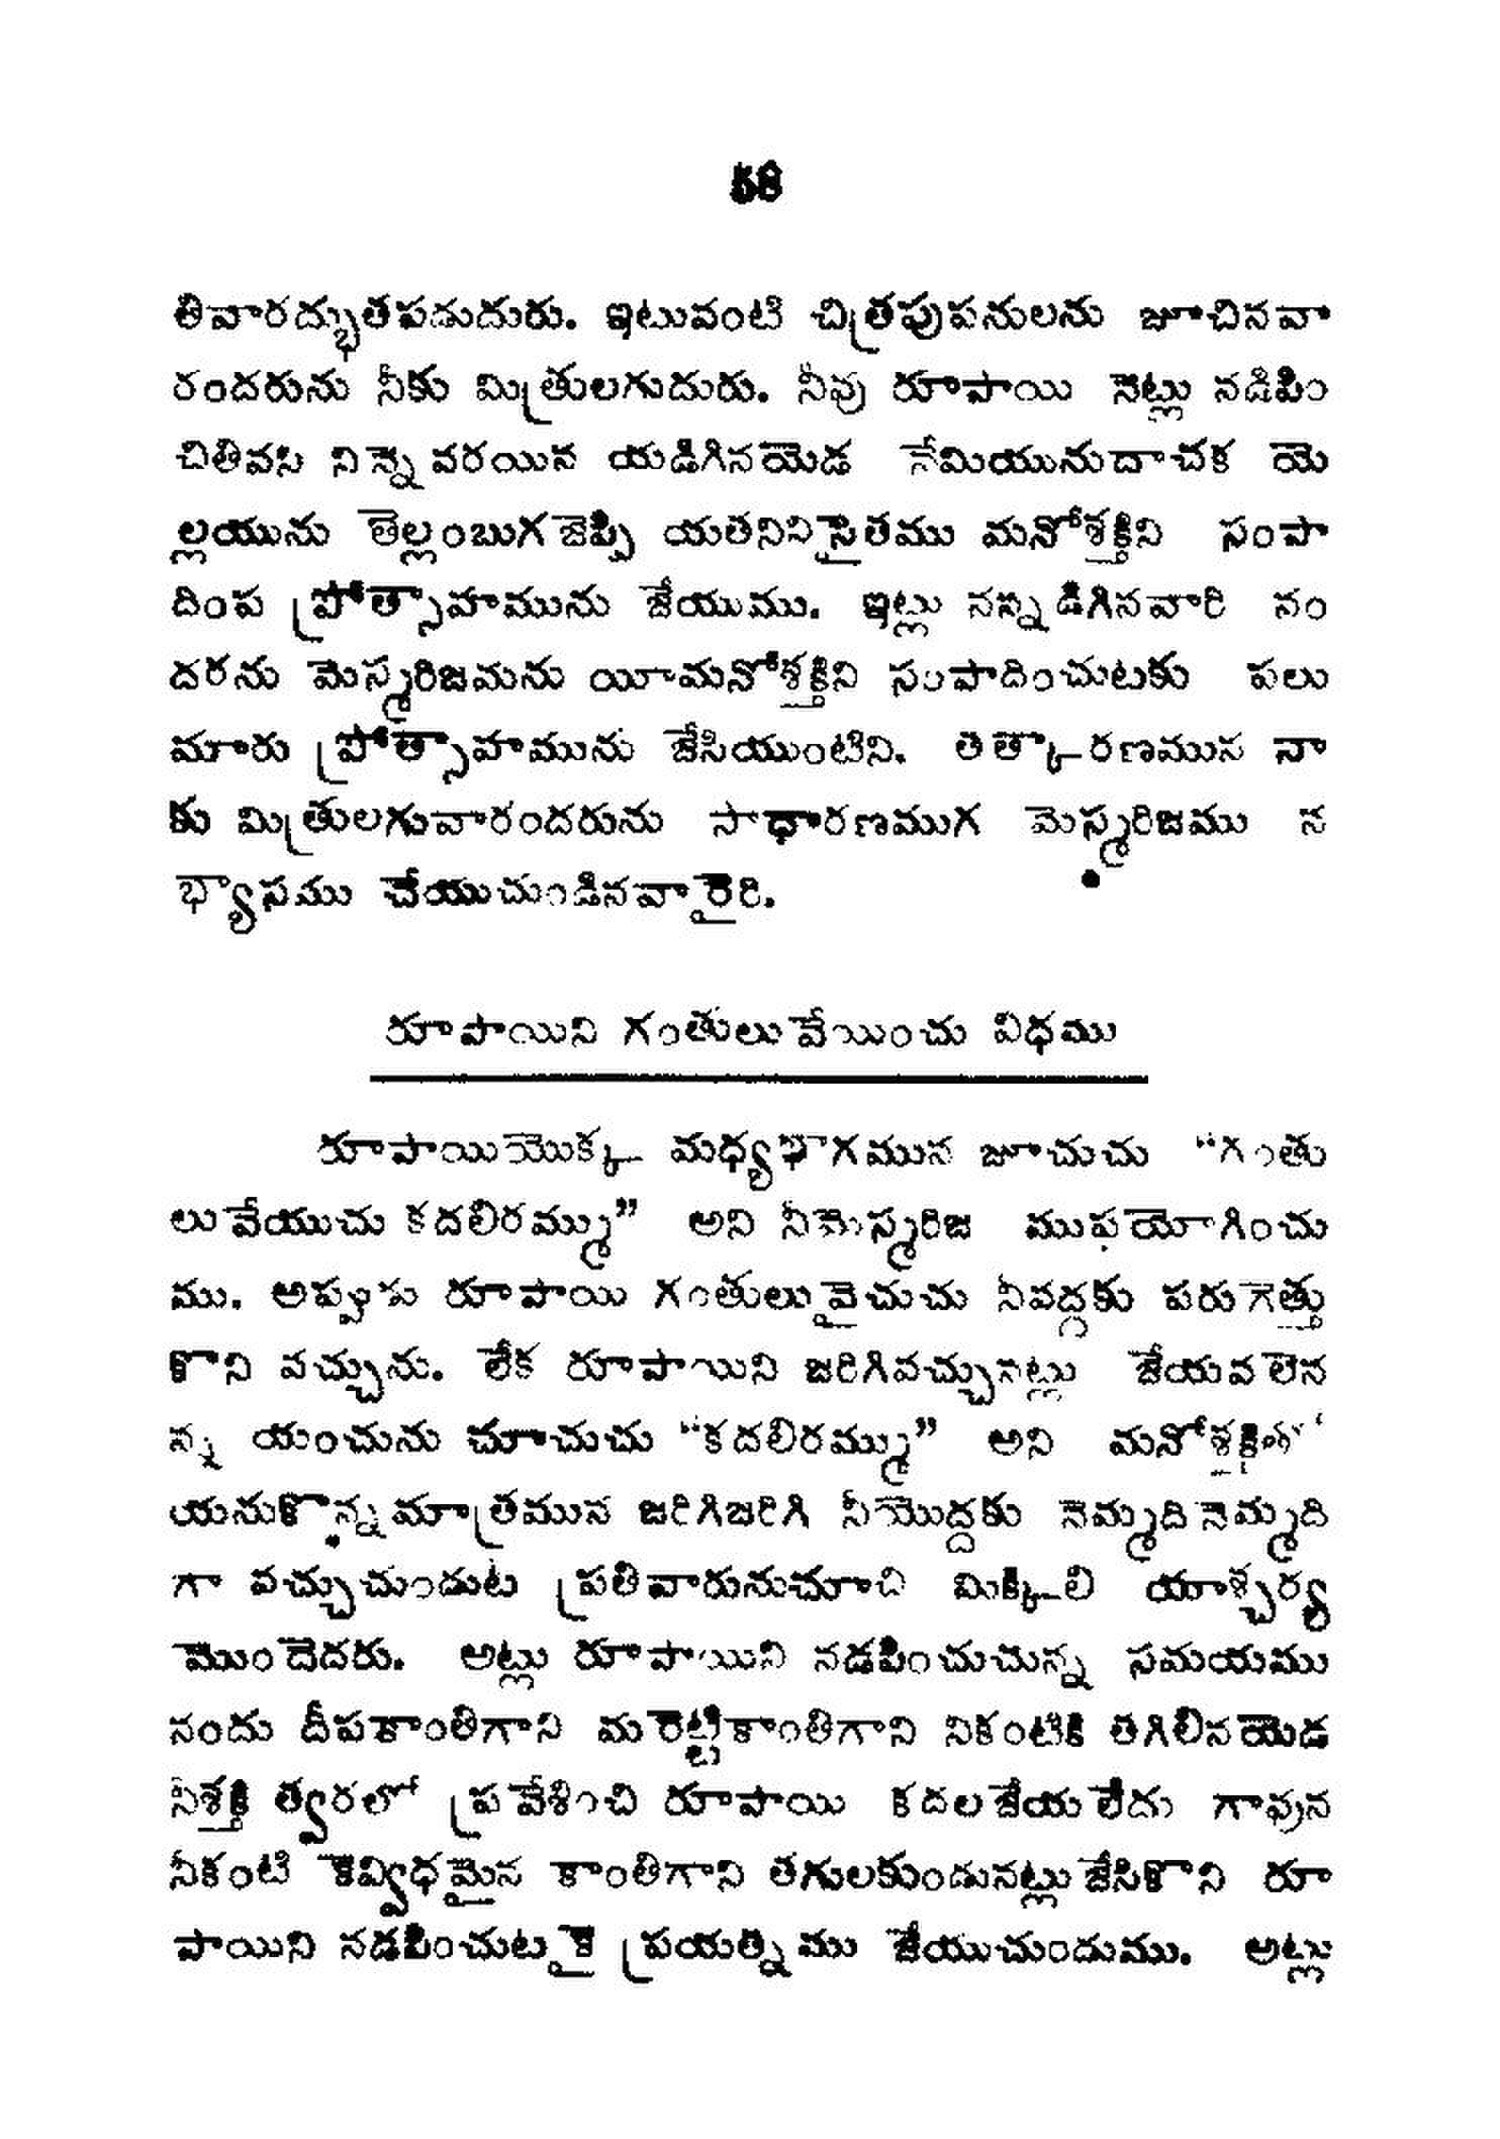తివారద్భుతపడుదురు. ఇటువంటి చిత్రపుపనులను జూచినవారందరును నీకు మిత్రులగుదురు. నీవు రూపాయి నెట్లు నడిపించితివని నిన్నెవరయిన యడిగినయెడ నేమియునుదాచక యెల్లయును తెల్లంబుగజెప్పి యతనినిసైతము మనోశక్తిని సంపాదింప ప్రోత్సాహమును జేయుము. ఇట్లు నన్నడిగినవారి నందరను మెస్మరిజమను యీమనోశక్తిని సుపాదించుటకు పలుమారు ప్రోత్సాహమును జేసియుంటిని. తత్కారణమున నాకు మిత్రులగువారందరును సాధారణముగ
మెస్మరిజము నభ్యాసము చేయుచుండినవారైరి.

రూపాయియొక్క మధ్యభాగమున జూచుచు “గంతులువేయుచు కదలిరమ్ము" అని నీమెస్మరిజ ముపయోగించుము. అప్పుడు రూపాయి గంతులువైచుచు నీవద్దకు పరుగెత్తుకొని వచ్చును. లేక రూపాయిని జరిగివచ్చునట్లు జేయవలెనన్న యంచును చూచుచు "కదలిరమ్ము" అని మనోశక్తితో
యనుకొన్నమాత్రమున జరిగిజరిగి నీయొద్దకు నెమ్మది నెమ్మదిగా వచ్చుచుండుట ప్రతివారునుచూచి మిక్కిలి యాశ్చర్య మొందెదరు. అట్లు రూపాయిని నడపించుచున్న సమయమునందు దీపకాంతిగాని మరెట్టికాంతిగాని నీకంటికి తగిలినయెడ నీశక్తి త్వరలో ప్రవేశించి రూపాయి కదలజేయలేదు గావున
నీకంటి కెవ్విధమైన కాంతిగాని తగులకుండునట్లు జేసికొని రూపాయిని నడపించుటకై ప్రయత్నము జేయుచుండుము. అట్లు